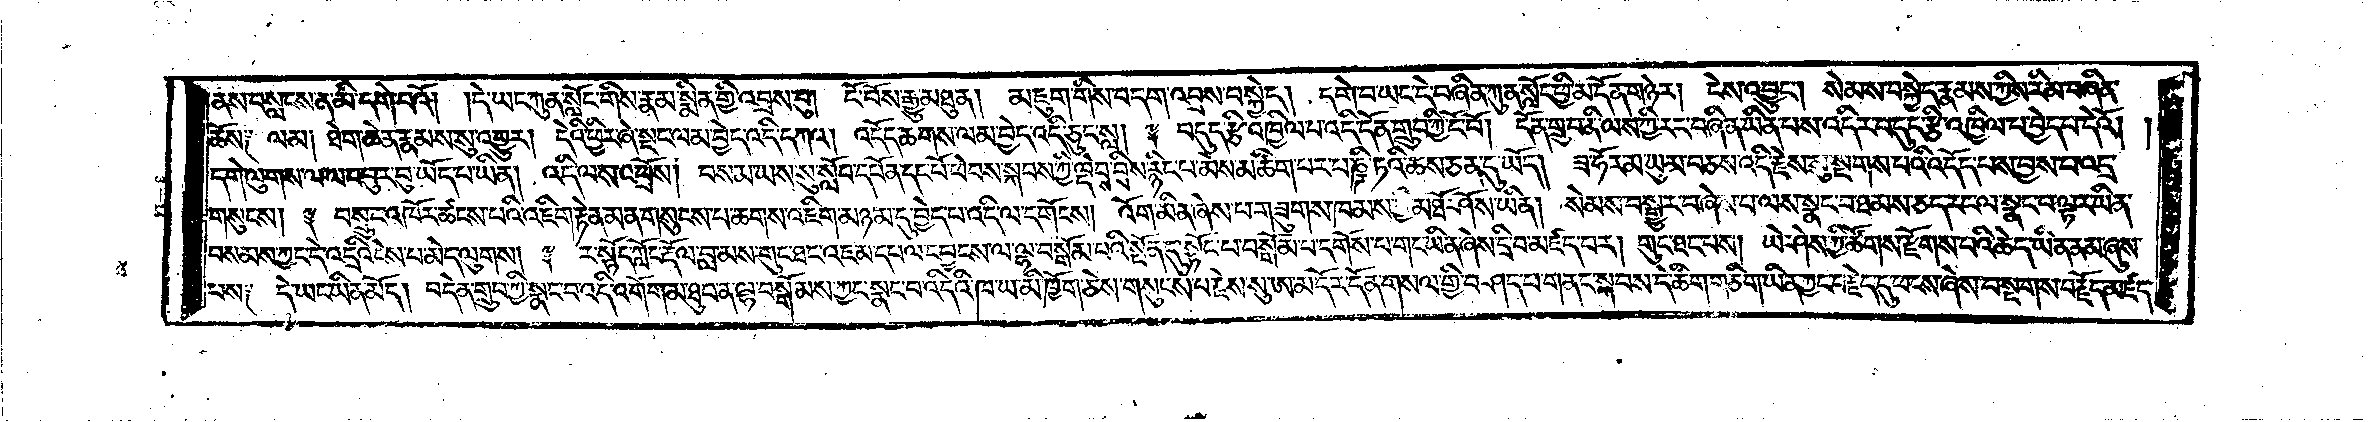ནས་བསླངས་ན་མི་དགེ་བའོ། །དེ་ཡང་ཀུན་སློང་གིས་རྣམ་སྨིན་གྱི་འབྲས་བུ། ངོ་བོས་རྒྱུ་མཐུན། མཇུག་གིས་བདག་འབྲས་བསྐྱེད། དགེ་བ་ཡང་དེ་བཞིན་ཀུན་སློང་ཕྱི་མ་དོན་གཉེར། ངེས་འབྱུང་། སེམས་བསྐྱེད་རྣམས་ཀྱིས་རིམ་བཞིན་
ཆོས༑ ལམ། ཐེག་ཆེན་རྣམས་སུ་འགྱུར། དེའི་ཕྱིར་ཞེ་སྡང་ལམ་བྱེད་འདི་དཀའ། འདོད་ཆགས་ལམ་བྱེད་འདི་ཅུང་སླ། ༈ བདུད་རྩི་འཁྱིལ་པ་འདི་དོན་གྲུབ་ཀྱི་ངོ་ཕོ། དོན་གྲུབ་ནི་ལས་ཀྱི་རང་བཞིན་ཡིན་པས་འདིར་བདུད་རྩི་འཁྱིལ་པ་བྱེད་པ་དེའོ། །
དགེ་ལུགས་ལ་ལང་བུར་བུ་ཡོད་པ་ཡིན། འདི་ལས་འཕྲོས། བསམ་ཡས་སུ་སློབ་དཔོན་དང་པོ་ཕེབས་སྐབས་ཀྱི་ལྡེབས་བྲིས་རྙིང་པ་མེས་མ་ཚིག་པར་པཎྜི་ཏའི་ཆས་ཅན་དུ་ཡོད། ཟ་ཧོར་མ་ཡུམ་བཅས་འདི་རྗེས་སུ་སྔགས་པའི་འདོད་པས་བྱས་པ་འདྲ་
གསུངས། ༈ བསྲུང་འཁོར་ཚངས་པའི་འཇིག་རྟེན་མན་གསུངས་པ་ཆགས་འཇིག་མཉམ་དུ་བྱེད་པ་འདི་ལ་དགོངས། འོག་མིན་ཞེས་པ་གཟུགས་ཁམས་ཀྱི་མཐོ་ཤོས་ཡིན། སེམས་བསྒྱུར་བ་ཞེས་པ་ལས་སྣང་བ་ཐམས་ཅད་རང་ལ་སྣང་བ་ལྟར་ཡིན་
བསམས་ཀྱང་དེ་འདྲའི་ངེས་པ་མེད་ལུགས། ༈ ར་སྟོད་ཀློང་རྡོལ་བླ་མས་གུང་ཐང་འཇམ་དཔལ་དབྱངས་ལ་ལྷ་བསྒོམ་པའི་སྔོན་དུ་སྟོང་པ་བསྒོམ་པ་དགོས་པ་གང་ཡིན་ཞེས་དྲི་བ་མཛད་པར། གུང་ཐང་པས། ཡེ་ཤེས་ཀྱི་ཚོགས་རྫོགས་པའི་ཆེད་ཡིན་ནམ་ཞུས་
པས༑ དེ་ཡང་ཡིན་མོད། བདེན་གྲུབ་ཀྱི་སྣང་བ་འདི་འགོག་མ་ཐུབ་ན་ལྷ་བསྒོམས་ཀྱང་སྣང་བ་འདིའི་ཁ་ཡ་མི་ཁྱོག་ཅེས་གསུངས་པ་རྗེས་སུ་ཨ་མདོར་དོན་གསལ་གྱི་བཤད་པ་གནང་སྐབས་དེ་ཚིག་གཅིག་ཡིན་ཀྱང་བརྗེད་དུ་ཕངས་ཞེས་བསྔགས་བརྗོད་མཛད་